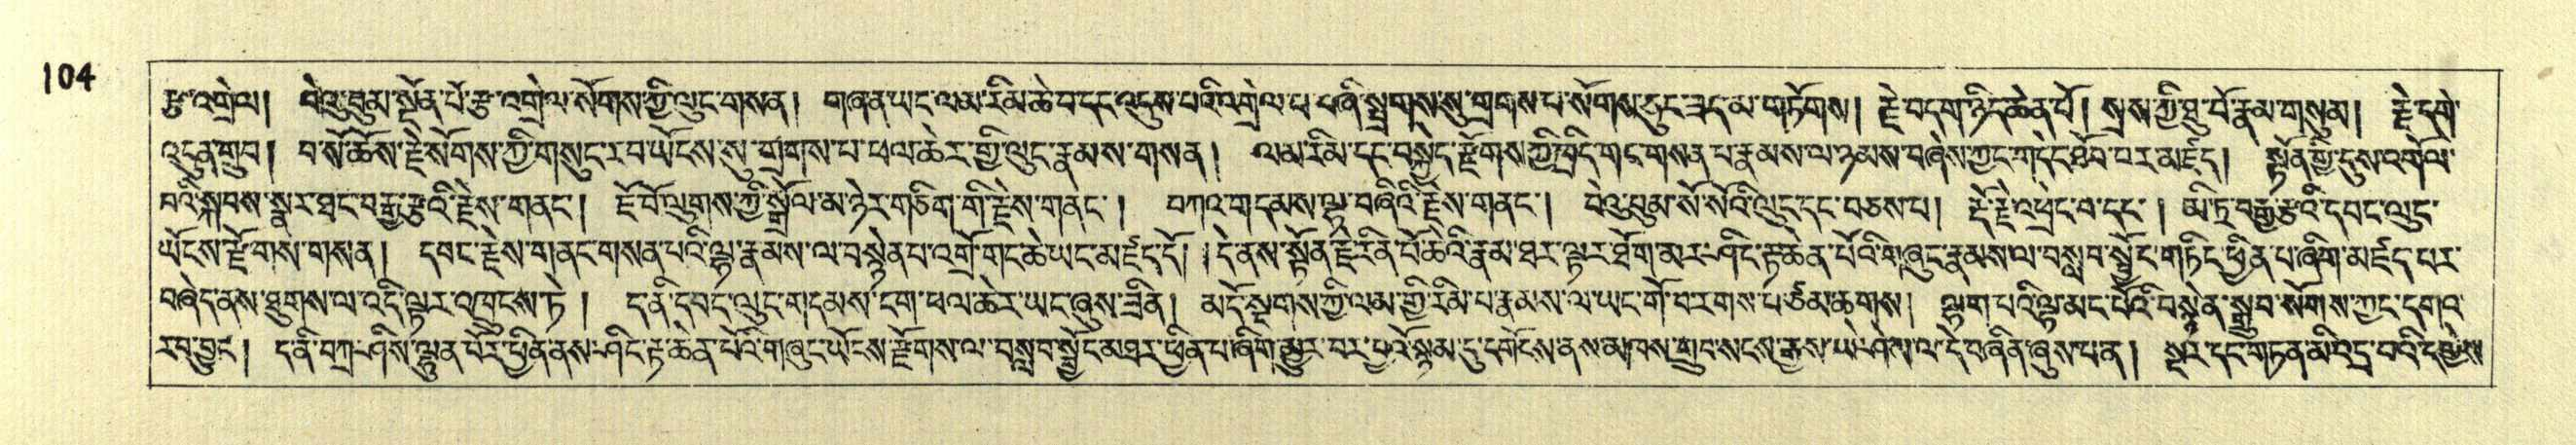རྩ་འགྲེལ། བེའུ་བུམ་སྔོན་པོ་རྩ་འགྲེལ་སོགས་ཀྱི་ལུང་གསན། གཞན་ཡང་ལམ་རིམ་ཆེ་བ་དང་འདུས་པའི་འགྲེལ་པ་བཞི་སྦྲགས་སུ་གྲགས་པ་སོགས་ཅུང་ཟད་མ་གཏོགས། རྗེ་བདག་ཉིད་ཆེན་པོ། སྲས་ཀྱི་ཐུ་བོ་རྣམ་གསུམ། རྗེ་དགེ་
འདུན་གྲུབ། བ་སོ་ཆོས་རྗེ་སོགས་ཀྱི་གསུང་རབ་ཡོངས་སུ་གྲགས་པ་ཕལ་ཆེར་གྱི་ལུང་རྣམས་གསན། ལམ་རིམ་དང་བསྐྱེད་རྫོགས་ཀྱི་ཁྲིད་གང་གསན་པ་རྣམས་ལ་ཉམས་བཞེས་ཀྱང་གདེང་ཐོབ་པར་མཛད། སྟོན་གྱི་དུས་འགོལ་
བའི་སྐབས་སྣར་ཐང་བརྒྱ་རྩའི་རྗེས་གནང་། ཇོ་བོ་ལུགས་ཀྱི་སྒྲོལ་མ་ཉེར་གཅིག་གི་རྗེས་གནང་། བཀའ་གདམས་ལྷ་བཞིའི་རྗེས་གནང་། བེའུ་བུམ་སོ་སོའི་ལུང་དང་བཅས་པ། རྡོ་རྗེ་འཕྲེང་བ་དང་། མི་ཏྲ་བརྒྱ་རྩའི་དབང་ལུང་
ཡོངས་རྫོགས་གསན། དབང་རྗེས་གནང་གསན་པའི་ལྷ་རྣམས་ལ་བསྙེན་པ་འགྲོ་གང་ཆེ་ཡང་མཛད་དོ། །དེ་ནས་སྟོན་རྗེ་རིན་པོ་ཆེའི་རྣམ་ཐར་ལྟར་ཐོག་མར་ཤིང་རྟ་ཆེན་པོའི་གཞུང་རྣམས་ལ་བསླབ་སྦྱོང་གཏིང་ཕྱིན་པ་ཞིག་མཛད་པར་
བཞེད་ནས་ཐུགས་ལ་འདི་ལྟར་འཁྲུངས་ཏེ། ད་ནི་དབང་ལུང་གདམས་ངག་ཕལ་ཆེར་ཡང་ཞུས་ཟིན། མདོ་སྔགས་ཀྱི་ལམ་གྱི་རིམ་པ་རྣམས་ལ་ཡང་གོ་བ་རགས་པ་ཙམ་ཆགས། ལྷག་པའི་ལྷ་མང་པོའི་བསྙེན་སྒྲུབ་སོགས་ཀྱང་དགའ་
རབ་བྱུང་། ད་ནི་བཀྲ་ཤིས་ལྷུན་པོར་ཕྱིན་ནས་ཤིང་རྟ་ཆེན་པོའི་གཞུང་ཡོངས་རྫོགས་ལ་བསླབ་སྦྱོང་མཐར་ཕྱིན་པ་ཞིག་མྱུར་བར་བྱའོ་སྙམ་དུ་དགོངས་ནས་མཁས་གྲུབ་སངས་རྒྱས་ཡེ་ཤེས་ལ་དེ་བཞིན་ཞུས་པ་ན། སྔར་དང་གཏན་མི་འདྲ་བའི་དགྱེས་